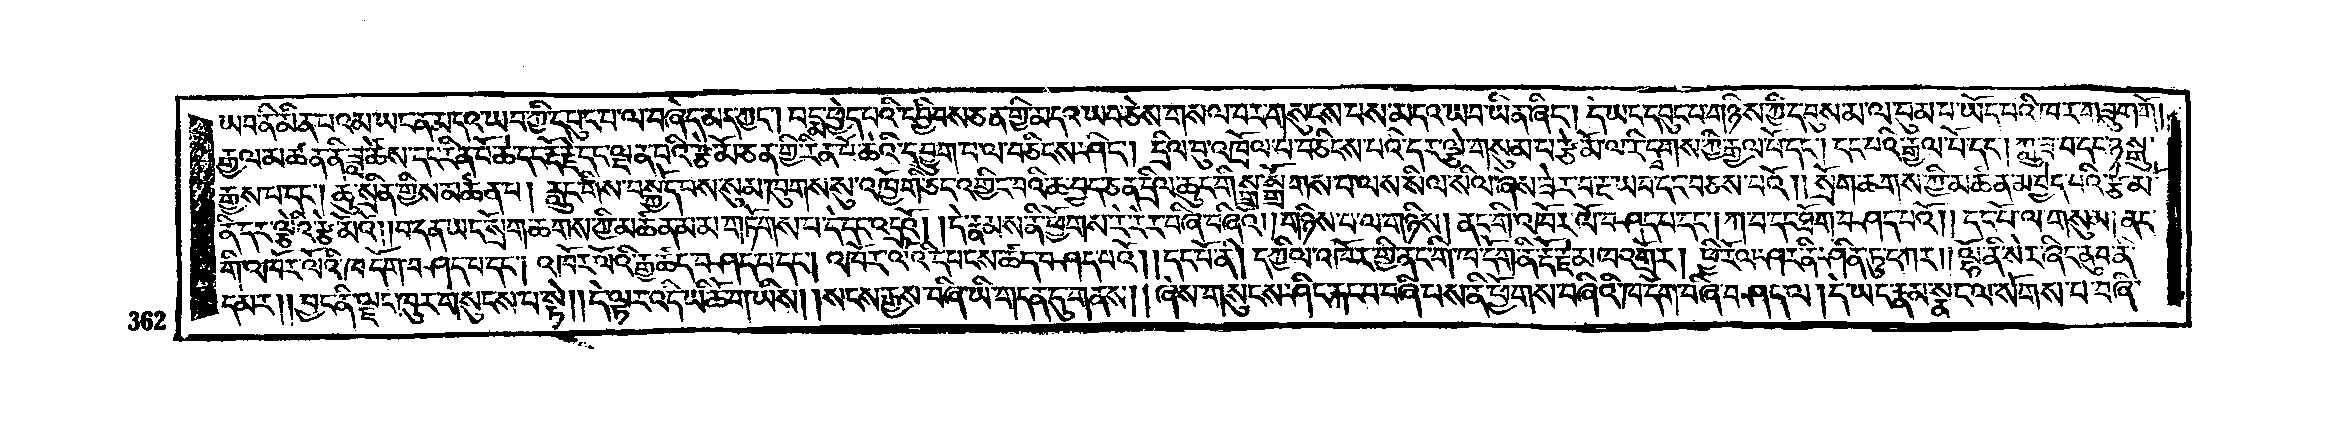ཡང་ནི་མིན་པའམ་ཡང་ན་མདའ་ཡབ་ཀྱི་དཔུང་པ་ལ་བཞེད་མེད་ཀྱང་། པདམ་ཕྱེད་པའི་དབྱིབས་ཅན་གྱི་མདའ་ཡབ་ཅེས་གསལ་བར་གསུངས་པས་མདའ་ཡབ་ཡིན་ཞིང་། དེ་ཡང་དཔུང་པ་གཉིས་ཀྱི་དབུས་མ་ལ་བུམ་པ་ཡོད་པའི་ཁར་གཟུག་གོ།
རྒྱལ་མཚན་ནི་ཟླ་ཚེས་དང་རིན་པོ་ཆེ་དང་རྡོ་རྗེ་དང་ལྡན་པའི་རྩེ་མོ་ཅན་གྱི་རིན་པོ་ཆེའི་དབྱུག་པ་ལ་བཅིངས་ཤིང་། དྲིལ་བུ་འཁྲོལ་པ་བཅིངས་པའི་དར་ལྕེ་གསུམ་པ་རྩེ་མོ་ལ་རི་དྭགས་ཀྱི་རྒྱལ་པོ་དང་། ངང་པའི་རྒྱལ་པོ་དང་། ཀླུ་ཟ་བ་དང་ཉ་སྤུ་
རྒྱས་པ་དང་། ཆུ་སྲིན་གྱིས་མཚན་པ། རླུང་གིས་བསྐྱོད་པས་སུམ་ཁུགས་སུ་འཁྱོག་ཅིང་འགྱིང་བའི་ཆ་བྱད་ཅན་དྲིལ་ཆུང་གི་སྒྲ་སྒྲོགས་པ་ལས་སིལ་སིལ་ཞེས་ཟེར་བ་རྔ་ཡབ་དང་བཅས་པའོ། །སྲོག་ཆགས་ཀྱི་མཚན་མ་བྱེད་པའི་རྩེ་མོ་
ནི་དར་ལྕེའི་རྩེ་མོའོ། །བ་དན་ཡང་སྲོག་ཆགས་ཀྱི་མཚན་མ་མ་གཏོགས་པ་དེ་དང་འདྲའོ། །དེ་རྣམས་ནི་ཕྱོགས་རེ་རེར་བཞི་བཞིའོ། །གཉིས་པ་ལ་གཉིས། ནང་གི་འཁོར་ལོ་བཤད་པ་དང་། ཀ་བ་དང་ཐོག་བཤད་པའོ། །དང་པོ་ལ་གསུམ། ནང་
གི་འཁོར་ལོའི་ཁ་དོག་བཤད་པ་དང་། འཁོར་ལོའི་རྒྱ་ཚད་བཤད་པ་དང་། འཁོར་ལོའི་དཔངས་ཚད་བཤད་པའོ། །དང་པོ་ནི། དཀྱིལ་འཁོར་གྱི་ནང་གི་ཁ་དོག་ནི་རྡོ་རྗེ་མཁའ་འགྲོར། ཕྱི་རོལ་ཤར་ནི་ཤིན་ཏུ་དཀར། །ལྷོ་ནི་སེར་ཞིང་ནུབ་ནི་
དམར། །བྱང་ནི་ལྗང་ཁུར་གསུངས་པ་སྟེ། །དེ་ལྟར་འདི་ཡི་ཆོ་ག་ཡིས། །སངས་རྒྱས་བཞི་ཡི་གདན་དུ་གནས། །ཞེས་གསུངས་ཤིང་རྐང་པ་བཞི་པས་ནི་ཕྱོགས་བཞིའི་ཁ་དོག་བཞི་བཤད་ལ། དེ་ཡང་རྣམ་སྣང་ལ་སོགས་པ་བཞི་